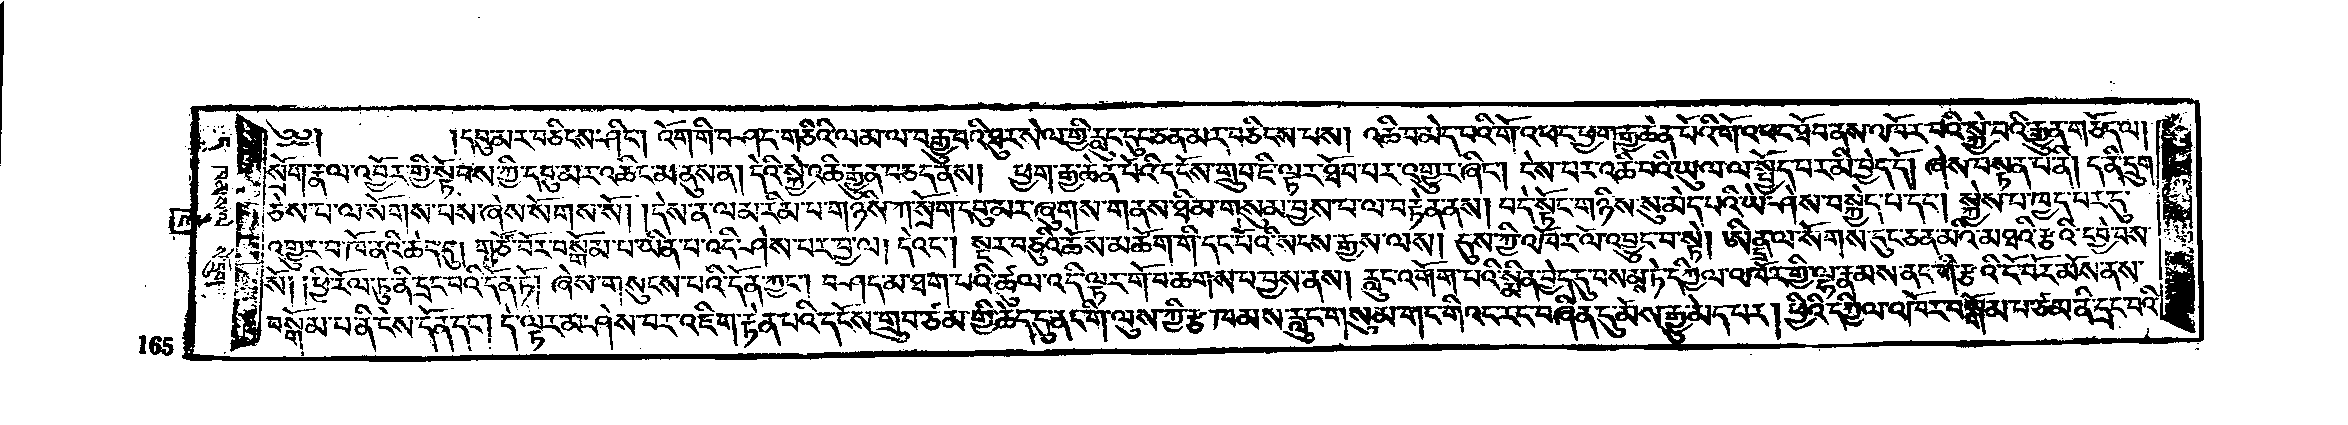༄༅། །དབུ་མར་བཅིངས་ཤིང་། འོག་གི་བཤང་གཅིའི་ལམ་ལ་བརྒྱུ་བའི་ཐུར་སེལ་གྱི་རླུང་དུང་ཅན་མར་བཅིངས་པས། འཆི་བ་མེད་པའི་གོ་འཕང་ཕྱག་རྒྱ་ཆེན་པོའི་གོ་འཕང་ཐོབ་ནས་འཁོར་བའི་སྐྱེ་བའི་རྒྱུན་གཅོད་ལ།
སྲོག་རྣལ་འབྱོར་གྱི་སྟོབས་ཀྱི་དབུ་མར་འཆིང་མ་ནུས་ན། དེའི་སྐྱེ་འཆི་རྒྱུན་བཅད་ནས། ཕྱག་རྒྱ་ཆེན་པོའི་དངོས་གྲུབ་ཇི་ལྟར་ཐོབ་པར་འགྱུར་ཞིང་། ངེས་པར་འཆི་བའི་ཡུལ་ལ་སྤྱོད་པར་མི་བྱེད་དོ། ཞེས་བསྟན་པ་ནི། ད་ནི་དྲུག་
ཅེས་པ་ལ་སོགས་པས་ཞེས་སོགས་སོ། །དེས་ན་ལམ་རིམ་པ་གཉིས་ཀ་སྲོག་དབུ་མར་ཞུགས་གནས་ཐིམ་གསུམ་བྱས་པ་ལ་བརྟེན་ནས། བདེ་སྟོང་གཉིས་སུ་མེད་པའི་ཡེ་ཤེས་བསྐྱེད་པ་དང་། སྐྱེས་པ་ཁྱད་པར་དུ་
འགྱུར་བ་ཁོ་ནའི་ཆེད་དུ། གཙོ་བོར་བསྒོམ་པ་ཡིན་པ་འདི་ཤེས་པར་བྱ་ལ། དེའང་། སྔར་བཅུའི་ཆོས་མཆོག་གི་དང་པོའི་སངས་རྒྱས་ལས། དུས་ཀྱི་འཁོར་ལོ་འབྱུང་བ་སྟེ། ཨིནྡྲ་ལ་སོགས་དུང་ཅན་མའི་མཐའི་རྩའི་དབྱེ་བས་
སོ། །ཕྱི་རོལ་ཏུ་ནི་དྲང་བའི་དོན་ཏོ། ཞེས་གསུངས་པའི་དོན་ཀྱང་། བཤད་མ་ཐག་པའི་ཚུལ་འདི་ལྟར་གོ་བ་ཆགས་པ་བྱས་ནས། རླུང་འགོག་པའི་སྨིན་བྱེད་དུ་བསམས་ཏེ་དཀྱིལ་འཁོར་གྱི་ལྷ་རྣམས་ནང་གི་རྩའི་ངོ་བོར་མོས་ནས་
བསྒོམ་པ་ནི་ངེས་དོན་དང་། དེ་ལྟར་མ་ཤེས་པར་འཇིག་རྟེན་པའི་དངོས་གྲུབ་ཙམ་གྱི་ཆེད་དུ་ནང་གི་ལུས་ཀྱི་རྩ་ཁམས་རླུང་གསུམ་གང་གིའང་རང་བཞིན་དུ་མོས་རྒྱུ་མེད་པར། ཕྱིའི་དཀྱིལ་འཁོར་བསྒོམ་པ་ཙམ་ནི་དྲང་བའི་